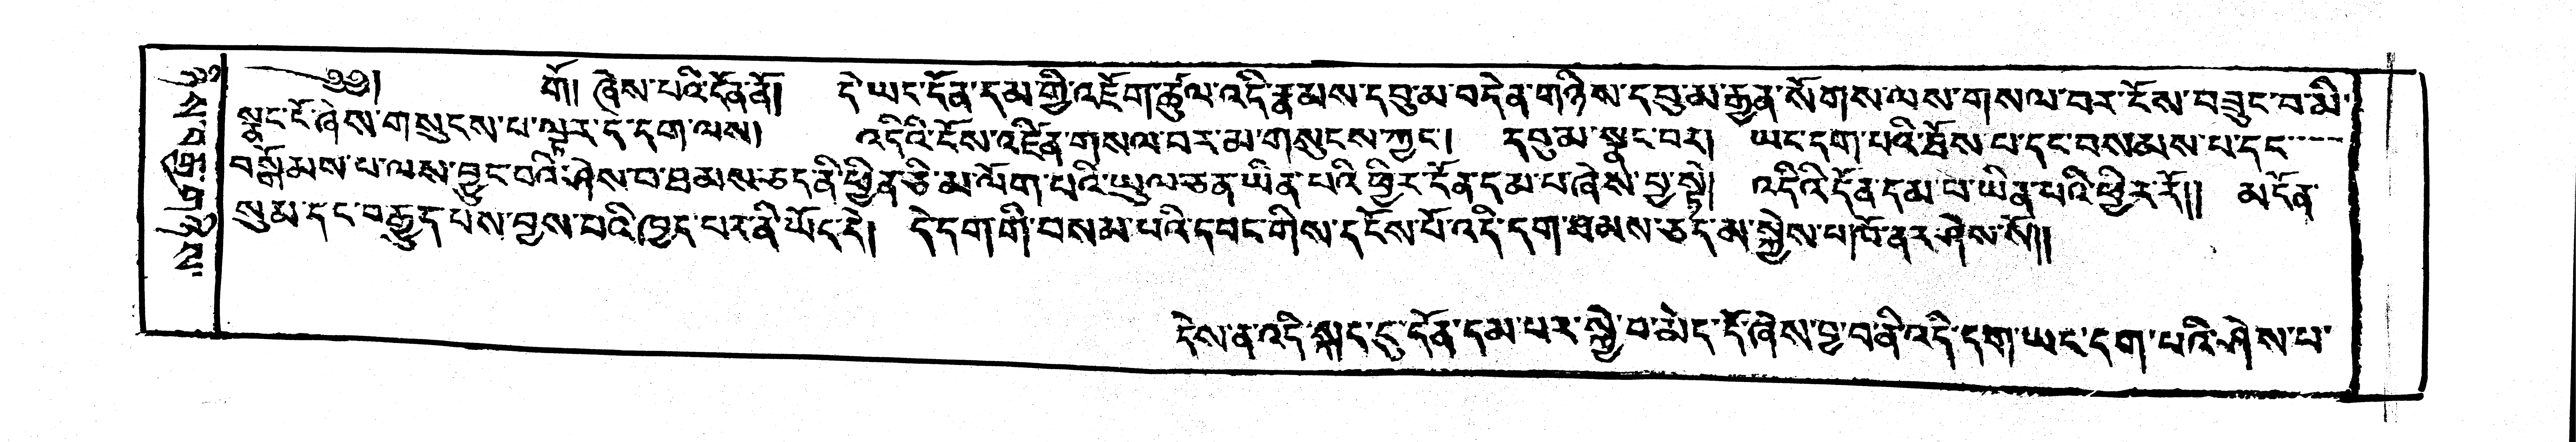༄༅། །་གོ། ཞེས་པའི་དོན་ནོ། དེ་ཡང་དོན་དམ་གྱི་འཇོག་ཚུལ་འདི་རྣམས་དབུ་མ་བདེན་གཉིས་དབུ་མ་རྒྱན་སོགས་ལས་གསལ་བར་ངོས་བཟུང་བ་མི་
སྣང་ངོ་ཞེས་གསུངས་པ་ལྟར་དེ་དག་ལས། འདིའི་ངོས་འཛིན་གསལ་བར་མ་གསུངས་ཀྱང་། དབུ་མ་སྣང་བར། ཡང་དག་པའི་ཐོས་པ་དང་བསམས་པ་དང་
བསྒོམས་པ་ལས་བྱུང་བའི་ཤེས་པ་ཐམས་ཅད་ནི་ཕྱིན་ཅི་མ་ལོག་པའི་ཡུལ་ཅན་ཡིན་པའི་ཕྱིར་དོན་དམ་པ་ཞེས་བྱ་སྟེ། འདིའི་དོན་དམ་པ་ཡིན་པའི་ཕྱིར་རོ། །མངོན་
སུམ་དང་བརྒྱུད་པས་བྱས་པའི་ཁྱད་པར་ནི་ཡོད་དེ། དེ་དག་གི་བསམ་པའི་དབང་གིས་དངོས་པོ་འདི་དག་ཐམས་ཅད་མ་སྐྱེས་པ་ཁོ་ནར་ཤེས་སོ། །
དེས་ན་འདི་སྐད་དུ་དོན་དམ་པར་སྐྱེ་བ་མེད་དོ་ཞེས་བྱ་བ་ནི་འདི་དག་ཡང་དག་པའི་ཤེས་པ་